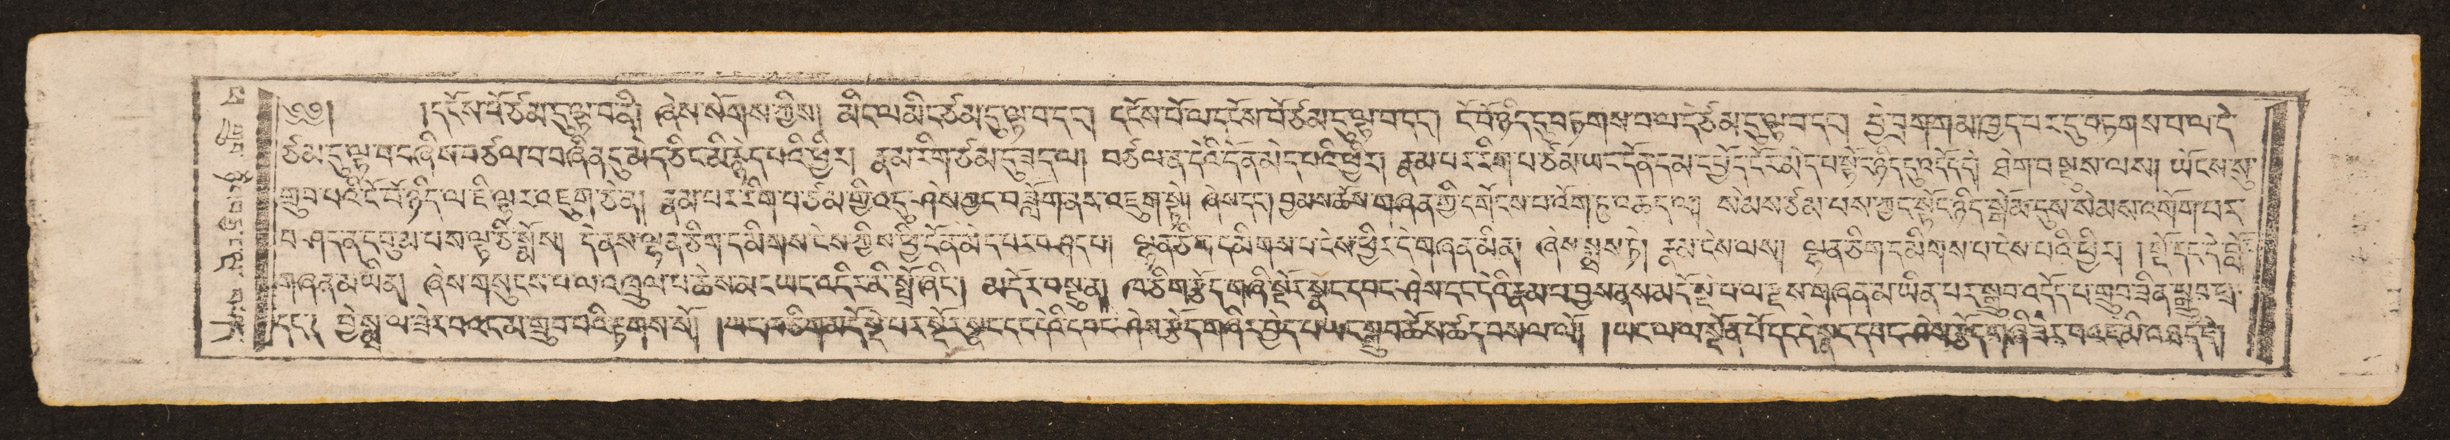༄༅། །དངོས་པོ་ཙམ་དུ་ལྟ་བ་ནི། ཞེས་སོགས་ཀྱིས། མིང་ལ་མིང་ཙམ་དུ་ལྟ་བ་དང་། དངོས་པོ་ལ་དངོས་པོ་ཙམ་དུ་ལྟ་བ་དང་། ངོ་བོ་ཉིད་དུ་བཏགས་པ་ལ་དེ་ཙམ་དུ་ལྟ་བ་དང་། བྱེ་བྲག་གམ་ཁྱད་པར་དུ་བཏགས་པ་ལ་དེ་
ཙམ་དུ་ལྟ་བ་བཞིས་བཙལ་བ་བཞིན་དུ་མེད་ཅིང་མི་རྙེད་པའི་ཕྱིར། རྣམ་རིག་ཙམ་དུ་ཟད་ལ། བཙལ་ན་དེའི་དོན་མེད་པའི་ཕྱིར། རྣམ་པར་རིག་པ་ཙམ་ཡང་དོན་དམ་དཔྱོད་ངོར་མེད་པ་སྟོང་ཉིད་དུ་འདོད་དེ། ཐེག་བསྡུས་ལས། ཡོངས་སུ་
གྲུབ་པའི་ངོ་བོ་ཉིད་ལ་ཇི་ལྟར་འཇུག་ཅེ་ན། རྣམ་པར་རིག་པ་ཙམ་གྱི་འདུ་ཤེས་ཀྱང་བཟློག་ནས་འཇུག་སྟེ། ཞེས་དང་། བྱམས་ཆོས་གཞན་གྱི་དགོངས་པ་འོག་ཏུ་འཆད་ལ། སེམས་ཙམ་པས་ཀྱང་སྟོང་ཉིད་སྒོམ་དུས་སེམས་འགོག་པར་
བཤད་ན་དབུ་མ་པས་ལྟ་ཅི་སྨོས། དེ་ནས་ལྷན་ཅིག་དམིགས་ངེས་ཀྱིས་ཕྱི་དོན་མེད་པར་བཤད་པ། ལྷན་ཅིག་དམིགས་པ་ངེས་ཕྱིར་དེ་གཞན་མིན། ཞེས་སྨྲས་ཏེ། རྣམ་ངེས་ལས། ལྷན་ཅིག་དམིགས་པ་ངེས་པའི་ཕྱིར། །སྡོ་དང་དེ་བློ་
གཞན་མ་ཡིན། ཞེས་གསུངས་པ་ལ་འཁྲུལ་པ་ཆེས་མང་ཡང་འདིར་མི་སྤྲོ་ཞིང་། མདོར་བསྡུ་ན། ཁ་ཅིག་རྩོད་གཞི་སྡོར་སྣང་དབང་ཤེས་དང་དེའི་རྣམ་པ་བྱས་ནས་མདོ་སྡེ་པ་ལ་རྫས་གཞན་མ་ཡིན་པར་སྒྲུབ་འདོད་པ་གྲུབ་ཟིན་སྒྲུབ་པ་
དང༑ བྱེ་སྨྲ་ལ་ཟེར་བའང་མ་གྲུབ་པའི་རྟགས་སོ། །ཡང་ཁ་ཅིག་མདོ་སྡེ་པར་སྡོར་སྣང་དང་དེའི་དབང་ཤེས་རྩོད་གཞིར་བྱེད་པ་ཡང་སྒྲུབ་ཆོས་ཚད་བསལ་ལོ། །ཡང་ལ་ལ་སྔོན་པོ་དང་དེ་སྣང་དབང་ཤེས་རྩོད་གཞི་ཟེར་བའང་མི་འཐད་དེ།